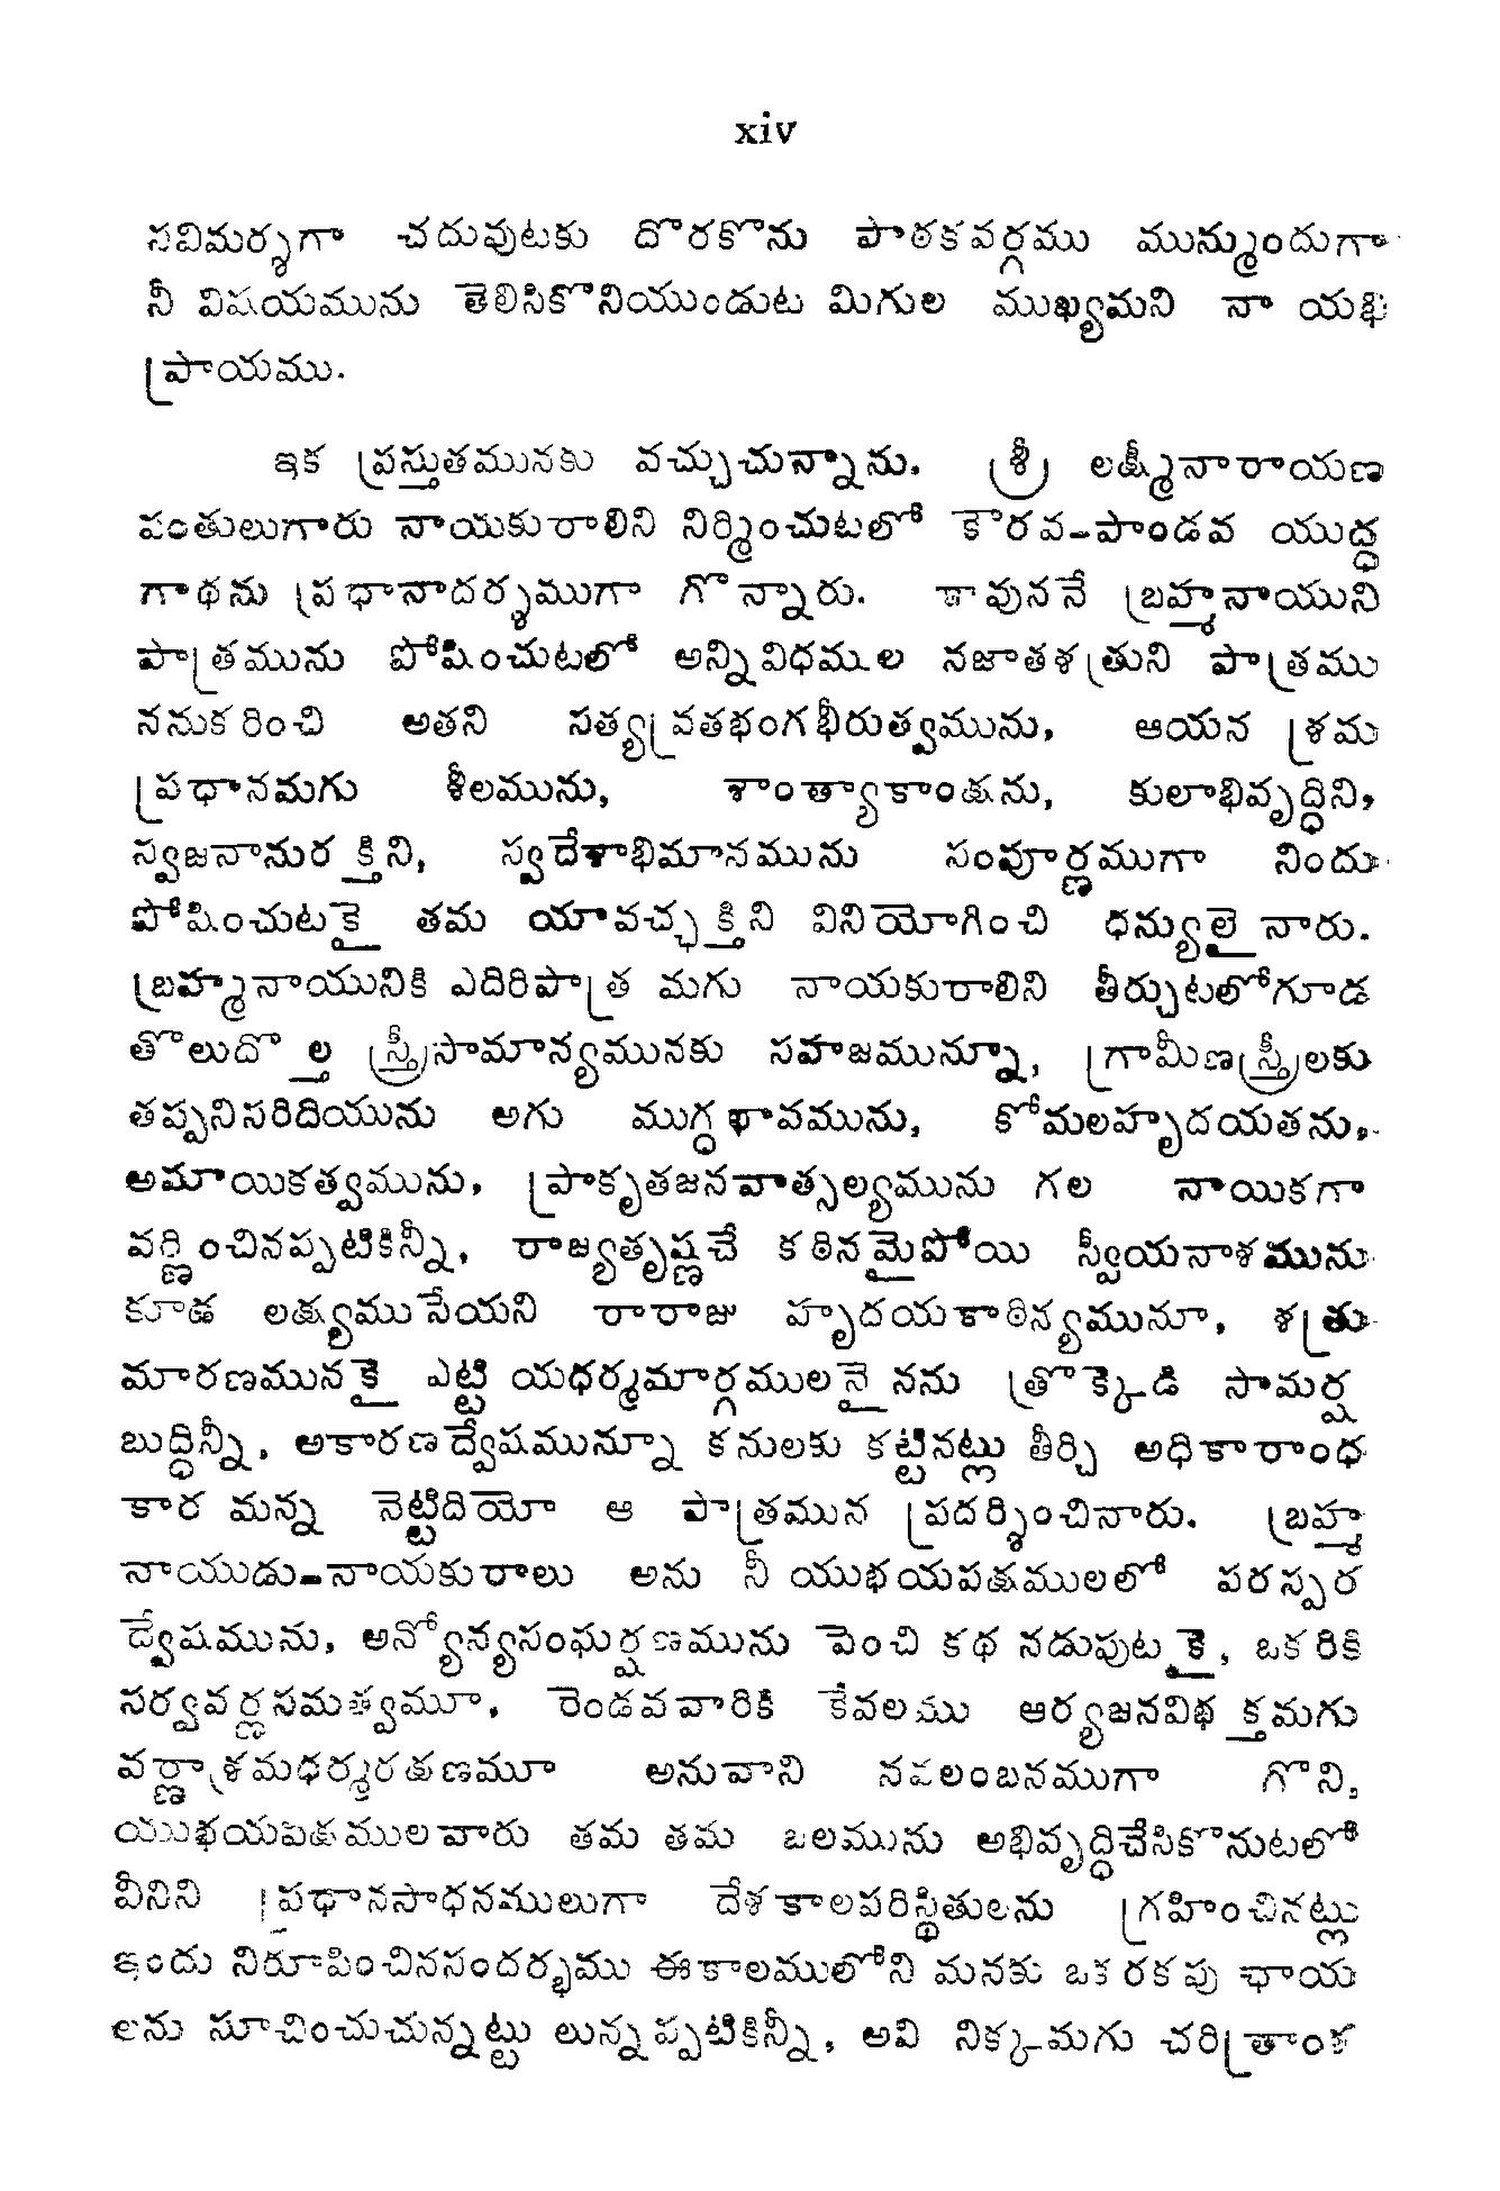సవిమర్శగా చదువుటకు దొరకొను పాఠకవర్గము మున్ముందుగా నీ విషయమును తెలిసికొని యుండుట మిగుల ముఖ్యమని నా యభిప్రాయము.

ఇక ప్రస్తుతమునకు వచ్చుచున్నాను. శ్రీ లక్మీనారాయణపంతులుగారు నాయకురాలిని నిర్మించుటలో కౌరవ-పాండవ యుద్ధగాథను ప్రధానాదర్శముగా గొన్నారు. కావుననే బ్రహనాయుని పాత్రమును పోషించుటలో అన్నివిధముల నజాతశత్రుని పాత్రము ననుకరించి అతని సత్యవ్రతభంగ భీరుత్వమును, ఆయన శ్రమ ప్రధానమగు శీలమును, శాంత్యాకాంక్షను, కులాభివృద్ధిని, స్వజనానురక్తిని, స్వదేశాభిమానమును సంపూర్ణముగా నిందు పోషించుటకై తమ యావచ్ఛక్తిని వినియోగించి ధన్యులై నారు. బ్రహ్మనాయునికి ఎదిరిపాత్ర మగు నాయకురాలిని తీర్చుటలోగూడ
తొలుదొల్త స్త్రీసామాన్యమునకు సహజమున్నూ, గ్రామీణస్త్రీలకు తప్పనిసరిదియును అగు ముగ్ధభావమును, కోమలహృదయతను, అమాయికత్వమును, ప్రాకృతజనవాత్సల్యమును గల నాయికగా వర్ణించినప్పటికిన్నీ, రాజ్యతృష్ణచే కఠినమైపోయి స్వీయనాశమును కూడ లక్ష్యముసేయని రారాజు హృదయకాఠిన్యమునూ, శత్రు మారణమునకై ఎట్టి యధర్మమార్గములనైనను తొక్కెడి సామర్ష
బుద్ధిన్నీ, అకారణద్వేషమున్నూ కనులకు కట్టినట్లు తీర్చి అధికారాంధకార మన్న నెట్టిదియో ఆ పాత్రమున ప్రదర్శించినారు. బ్రహ్మనాయుడు-నాయకురాలు అను నీ యుభయపక్షములలో పరస్పర
ద్వేషమును, అన్యోన్యసంఘర్షణమును పెంచి కథ నడుపుటకై , ఒకరికి సర్వవర్ణసమత్వమూ, రెండవవారికి కేవలము ఆర్యజనవిభక్తమగు వర్ణాశ్రమధర్మరక్షణమూ అనువాని నవలంబనముగా గొని,
యుభయపక్షములవారు తమ తమ బలమును అభివృద్ధిచేసికొనుటలో వీనిని ప్రధాన సాధనములుగా దేశకాలపరిస్థితులను గ్రహించినట్లు ఇందు నిరూపించినసందర్భము ఈకాలములోని మనకు ఒకరకపు ఛాయలను సూచించుచున్నట్టు లున్నప్పటికిన్నీ, అవి నిక్కమగు చరిత్రాంక